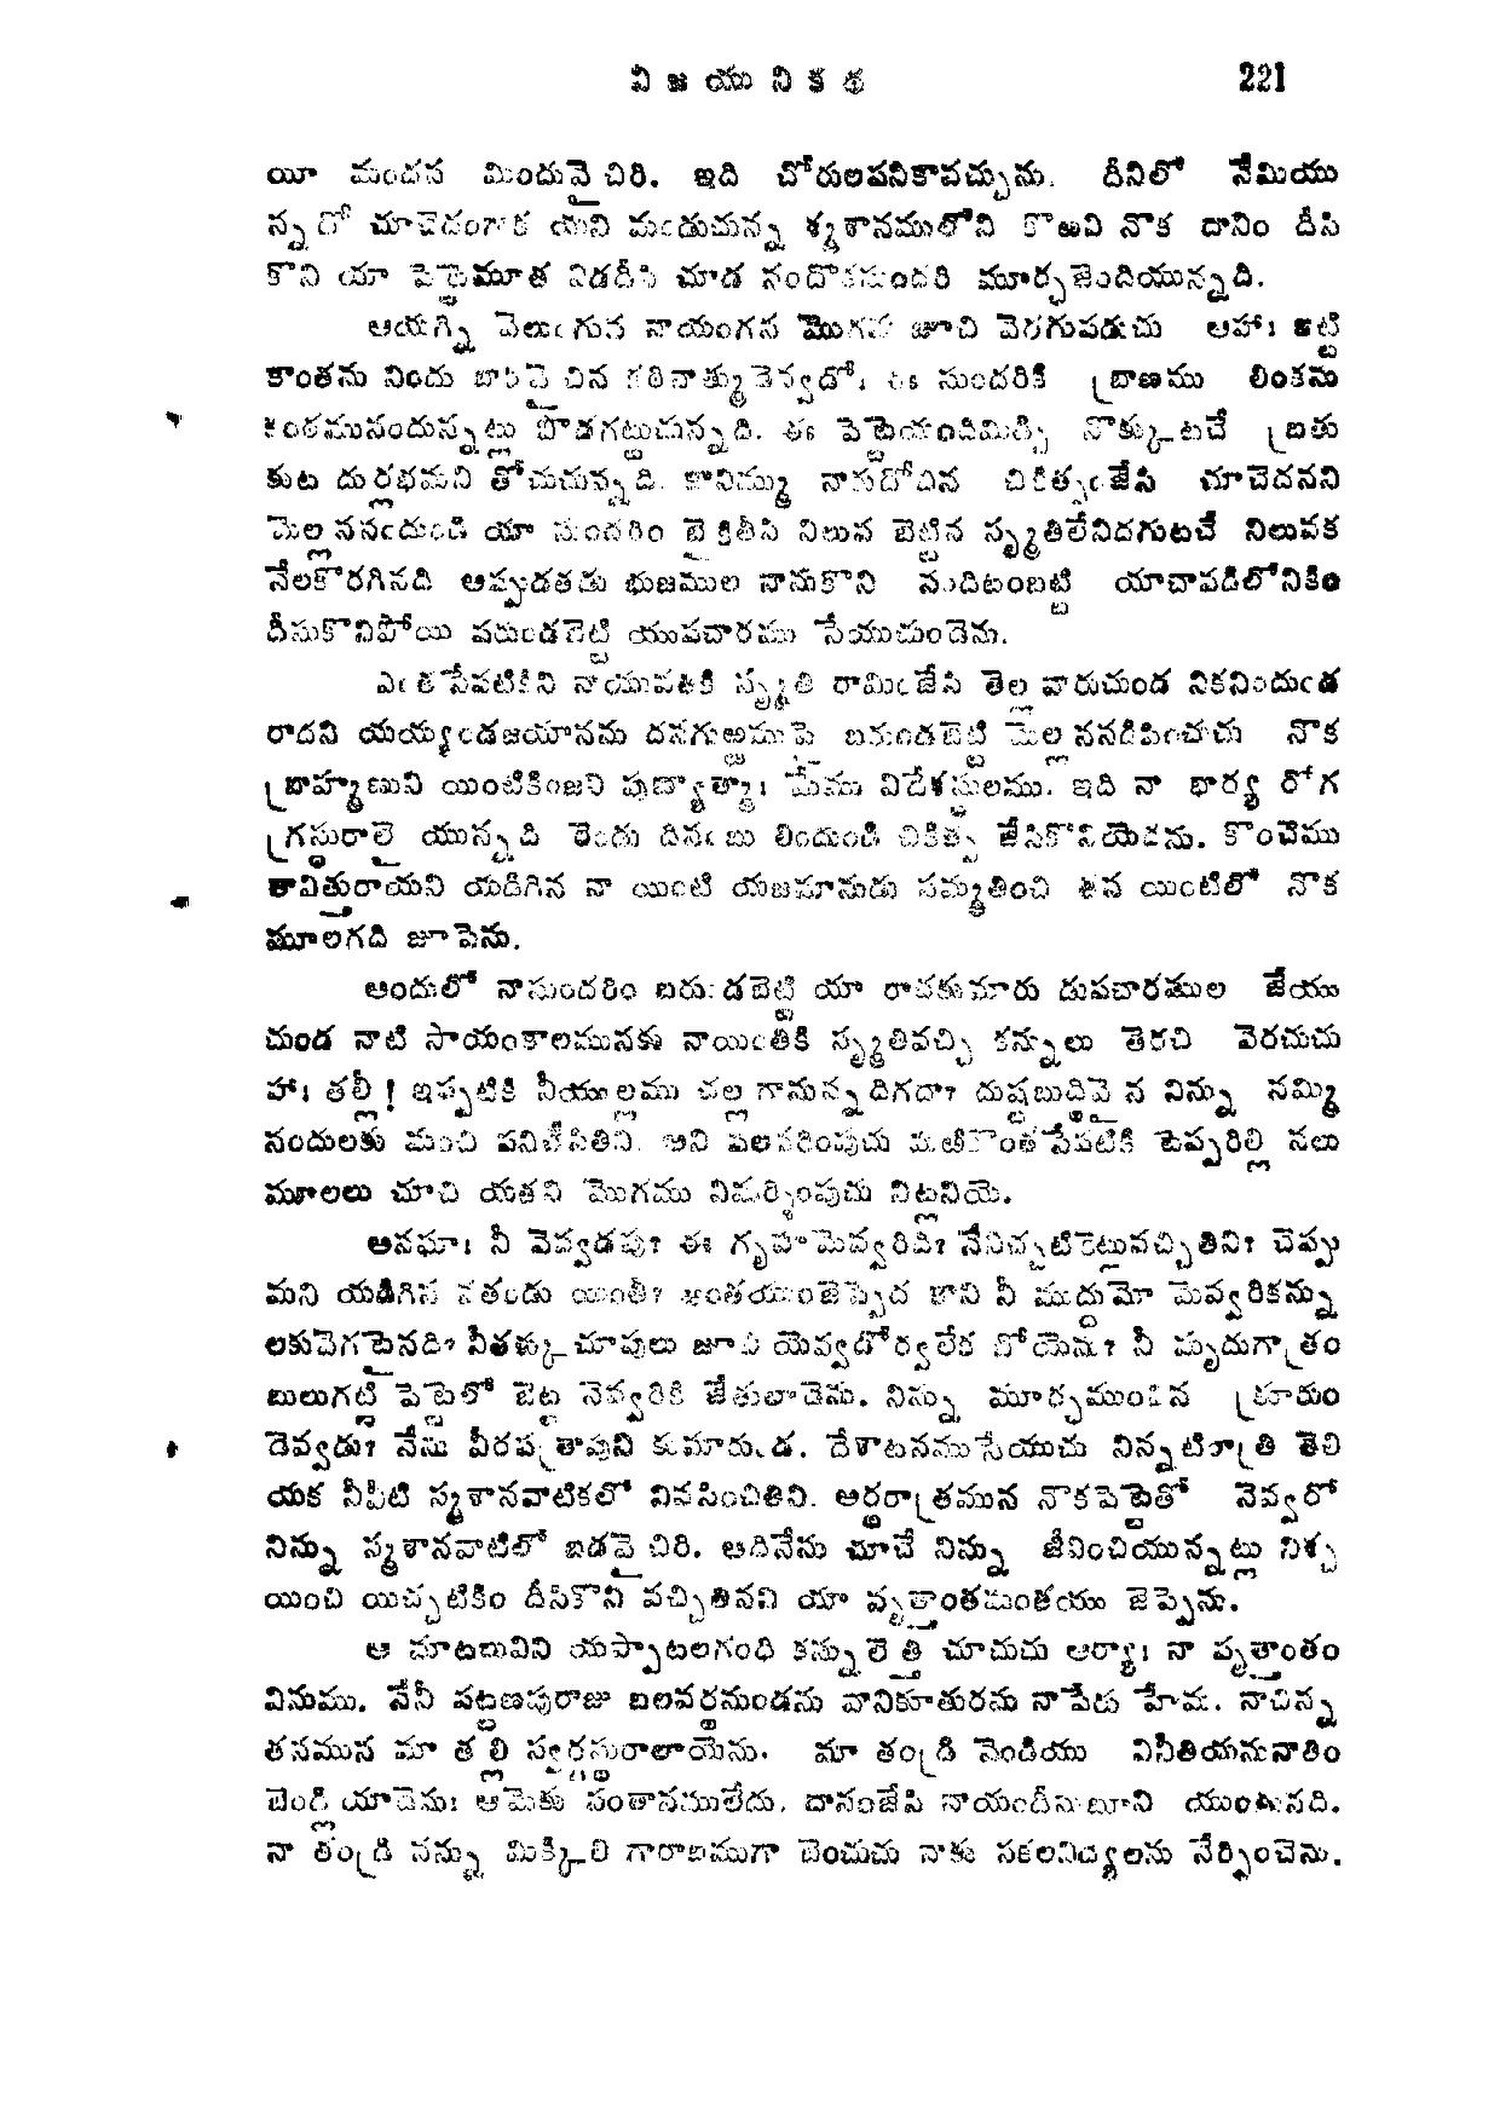యీ మందస మిందువైచిరి. ఇది చోరులపనికావచ్చును. దీనిలో నేమియున్నదో చూచెదంగాక యని మండుచున్న శ్మశానములోని కొఱవి నొక దానిం దీసికొని యా పెట్టెమూత విడదీసి చూడ నందొకసుందరి మూర్చ జెందియున్నది.

ఆయగ్ని వెలుంగున నాయంగన మొగముజూచి వెరగుపడుచు ఆహా! ఇట్టి కాంతను నిందు బారవైచిన కఠినాత్ముడెవ్వడో? ఈ సుందరికి బ్రాణము లింకను కంఠమునందున్నట్లు పొడగట్టుచున్నది. ఈ పెట్టెయందిమిడ్చి నొక్కుటచే బ్రతుకుట దుర్లభమని తోచుచున్నది. కానిమ్ము నాకుదోచిన చికిత్సఁ జేసి చూచెదనని మెల్లననందుండి యా సుందరిం బైకితీసి నిలువ బెట్టిన స్మృతిలేనిదగుటచే నిలువక
నేలకొరగినది. అప్పుడతడు భుజముల నానుకొని సందిటంబట్టి యాచావడిలోనికి దీసుకొనిపోయి పరుండబెట్టి యుపచారము సేయుచుండెను.

ఎంతసేపటికిని నాయువతికి స్మృతి రామిఁజేసి తెల్ల వారుచుండ నికనిందుండ రాదని యయ్యండజయానను దనగుఱ్ఱముపై బరుండబెట్టి మెల్లననడిపించుచు నొక బ్రాహ్మణుని యింటికింజని పుణ్యాత్మా ! మేము విదేశస్థులము. ఇది నా భార్య రోగగ్రస్థురాలై యున్నది. రెండు దినంబు లిందుండి చికిత్స జేసికొనియెదను. కొంచెము తావిత్తురాయని యడిగిన నా యింటి యజమానుడు సమ్మతించి తన యింటిలో నొక మూలగది జూపెను.

అందులో నాసుందరిం బరుండబెట్టి యా రాజకుమారు డుపచారముల జేయుచుండ నాటి సాయంకాలమునకు నాయింతికి స్మృతివచ్చి కన్నులు తెరచి వెరచుచు హా! తల్లీ! ఇప్పటికి నీయుల్లము చల్లగానున్నదిగదా? దుష్టబుద్ధివైన నిన్ను నమ్మి నందులకు మంచి పనిచేసితివి. అని పలవరింపుచు మఱికొంతసేపటికి తెప్పరిల్లి నలుమూలలు చూచి యతని మొగము విమర్శింపుచు నిట్లనియె.

అనఘా! నీ వెవ్వడవు? ఈ గృహమెవ్వరిది? నేనిచ్చటికెట్లువచ్చితిని? చెప్పుమని యడిగిన నతండు యింతీ? అంతయుంజెప్పెద కాని నీ ముద్దుమో మెవ్వరికన్నులకు వెగటైనది? నీతళ్కు చూపులు జూచి యెవ్వడోర్వలేక బోయెను? నీ మృదుగాత్రంబులు గట్టి పెట్టెలో బెట్ట నెవ్వరికి జేతులాడెను. నిన్ను మూర్ఛముంచిన క్రూరుం డెవ్వడు? నేను వీరప్రతాపుని కుమారుండ. దేశాటనముసేయుచు నిన్నటిరాత్రి తెలియక నీవీటి స్మశానవాటికలో నివసించితిని. అర్థరాత్రమున నొకపెట్టెతో నెవ్వరో నిన్ను స్మశానవాటిలో బడవైచిరి. అది నేను చూచి నిన్ను జీవించియున్నట్లు నిశ్చయించి యిచ్చటికిం దీసికొని వచ్చితినని యా వృత్తాంతమంతయు జెప్పెను.

ఆ మాటలువిని యప్పాటలగంధి కన్ను లెత్తి చూచుచు ఆర్యా! నా వృత్తాంతం వినుము. నేనీ పట్టణపురాజు బలవర్థనుండను వానికూతురను నాపేరు హేమ. నాచిన్నతనమున మా తల్లి స్వర్గస్థురాలాయెను. మా తండ్రి వెండియు వినీతియనునాతిం బెండ్లి యాడెను. ఆమెకు సంతానము లేదు. దానంజేసి నాయం దీసుబూని యుండునది. నా తండ్రి నన్ను మిక్కిలి గారాబముగా బెంచుచు నాకు సకల విద్యలను నేర్పించెను.